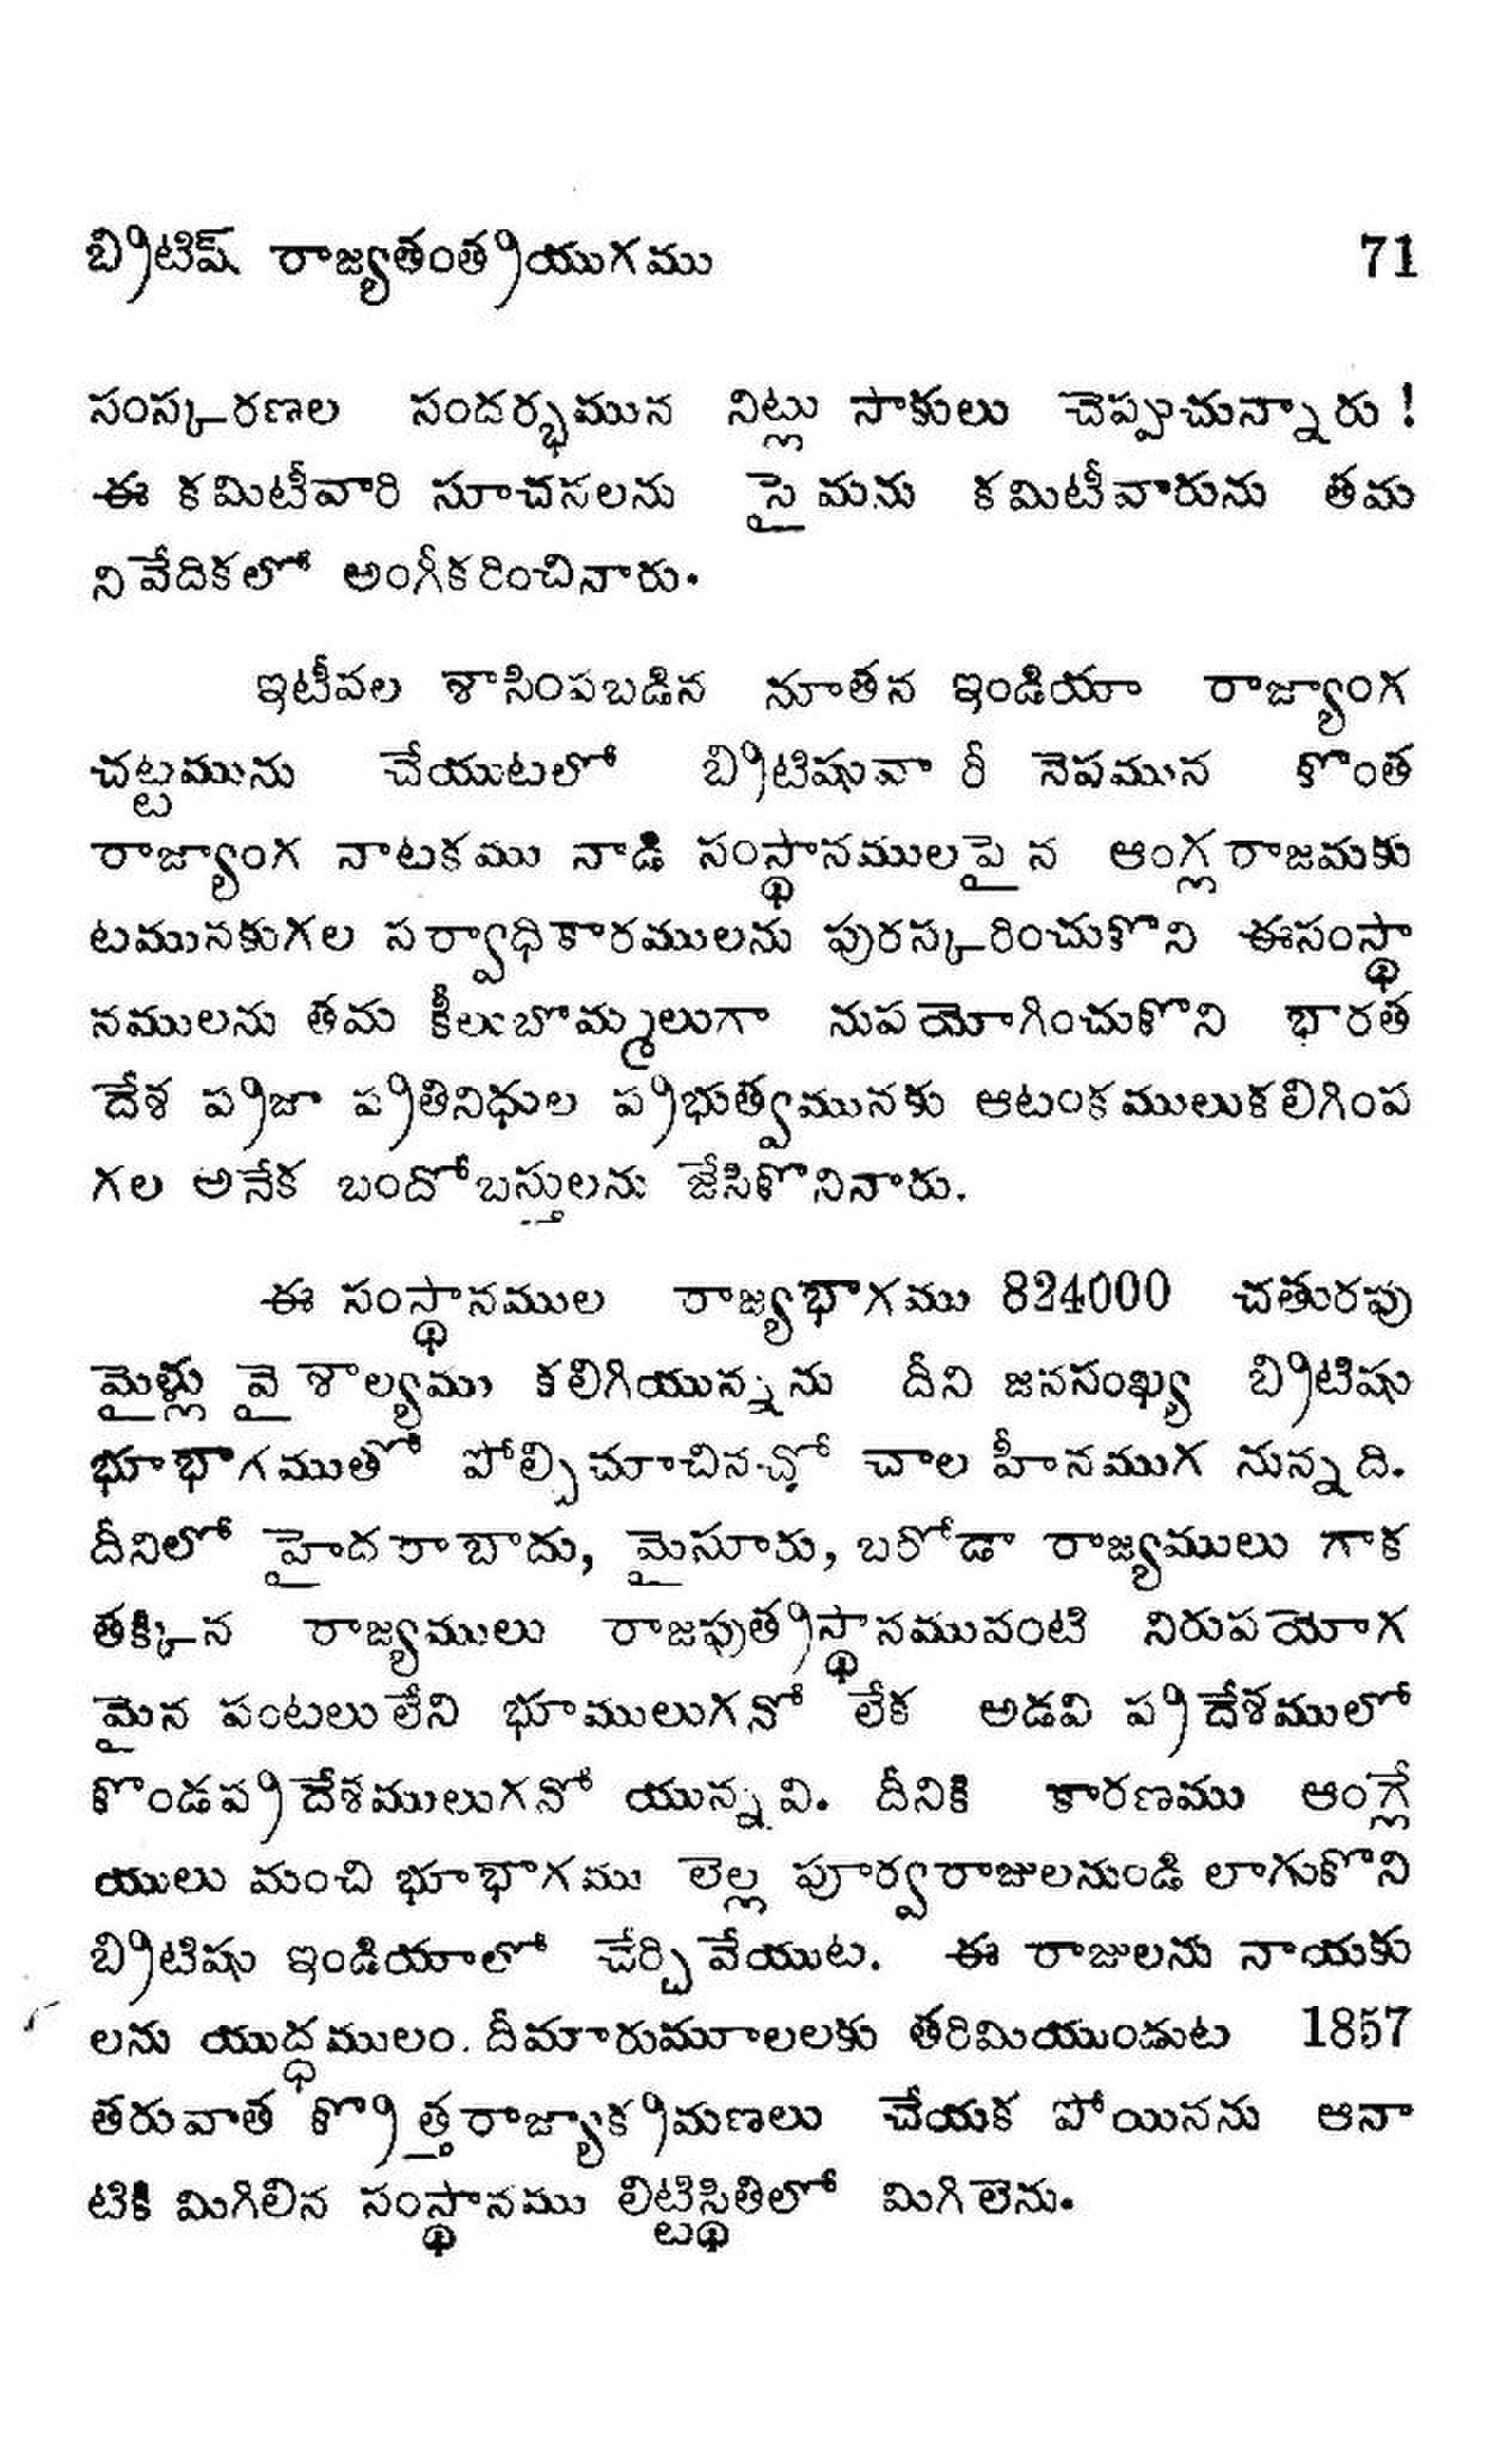సంస్కరణల సందర్భమున నిట్లు సాకులు చెప్పుచున్నారు! ఈ కమిటీవారి సూచనలను సైమను కమిటీవారును తమ నివేదికలో అంగీకరించినారు.

ఇటీవల శాసింపబడిన నూతన ఇండియా రాజ్యాంగ చట్టమును చేయుటలో బ్రిటిషువా రీ నెపమున కొంత రాజ్యాంగ నాటకము నాడి సంస్థానములపైన ఆంగ్లరాజమకుటమునకుగల సర్వాధికారములను పురస్కరించుకొని ఈసంస్థానములను తమ కీలుబొమ్మలుగా నుపయోగించుకొని భారతదేశ ప్రజా ప్రతినిధుల ప్రభుత్వమునకు ఆటంకములుకలిగింప గల అనేక బందోబస్తులను జేసికొనినారు. 

ఈ సంస్థానముల రాజ్యభాగము 824000 చతురపు మైళ్లు వైశాల్యము కలిగియున్నను దీని జనసంఖ్య బ్రిటిషు భూభాగముతో పోల్చిచూచినచో చాల హీనముగ నున్నది. దీనిలో హైదరాబాదు, మైసూరు, బరోడా రాజ్యములు గాక తక్కిన రాజ్యములు రాజపుత్రస్థానమువంటి నిరుపయోగమైన పంటలులేని భూములుగనో లేక అడవి ప్రదేశములో కొండప్రదేశములుగనో యున్నవి. దీనికి కారణము ఆంగ్లేయులు మంచి భూభాగము లెల్ల పూర్వరాజులనుండి లాగుకొని బ్రిటిషు ఇండియాలో చేర్చివేయుట. ఈ రాజులను నాయకులను యుద్ధములం దీమారుమూలలకు తరిమియుండుట 1857 తరువాత క్రొత్తరాజ్యాక్రమణలు చేయక పోయినను ఆనాటికి మిగిలిన సంస్థానము లిట్టిస్థితిలో మిగిలెను.